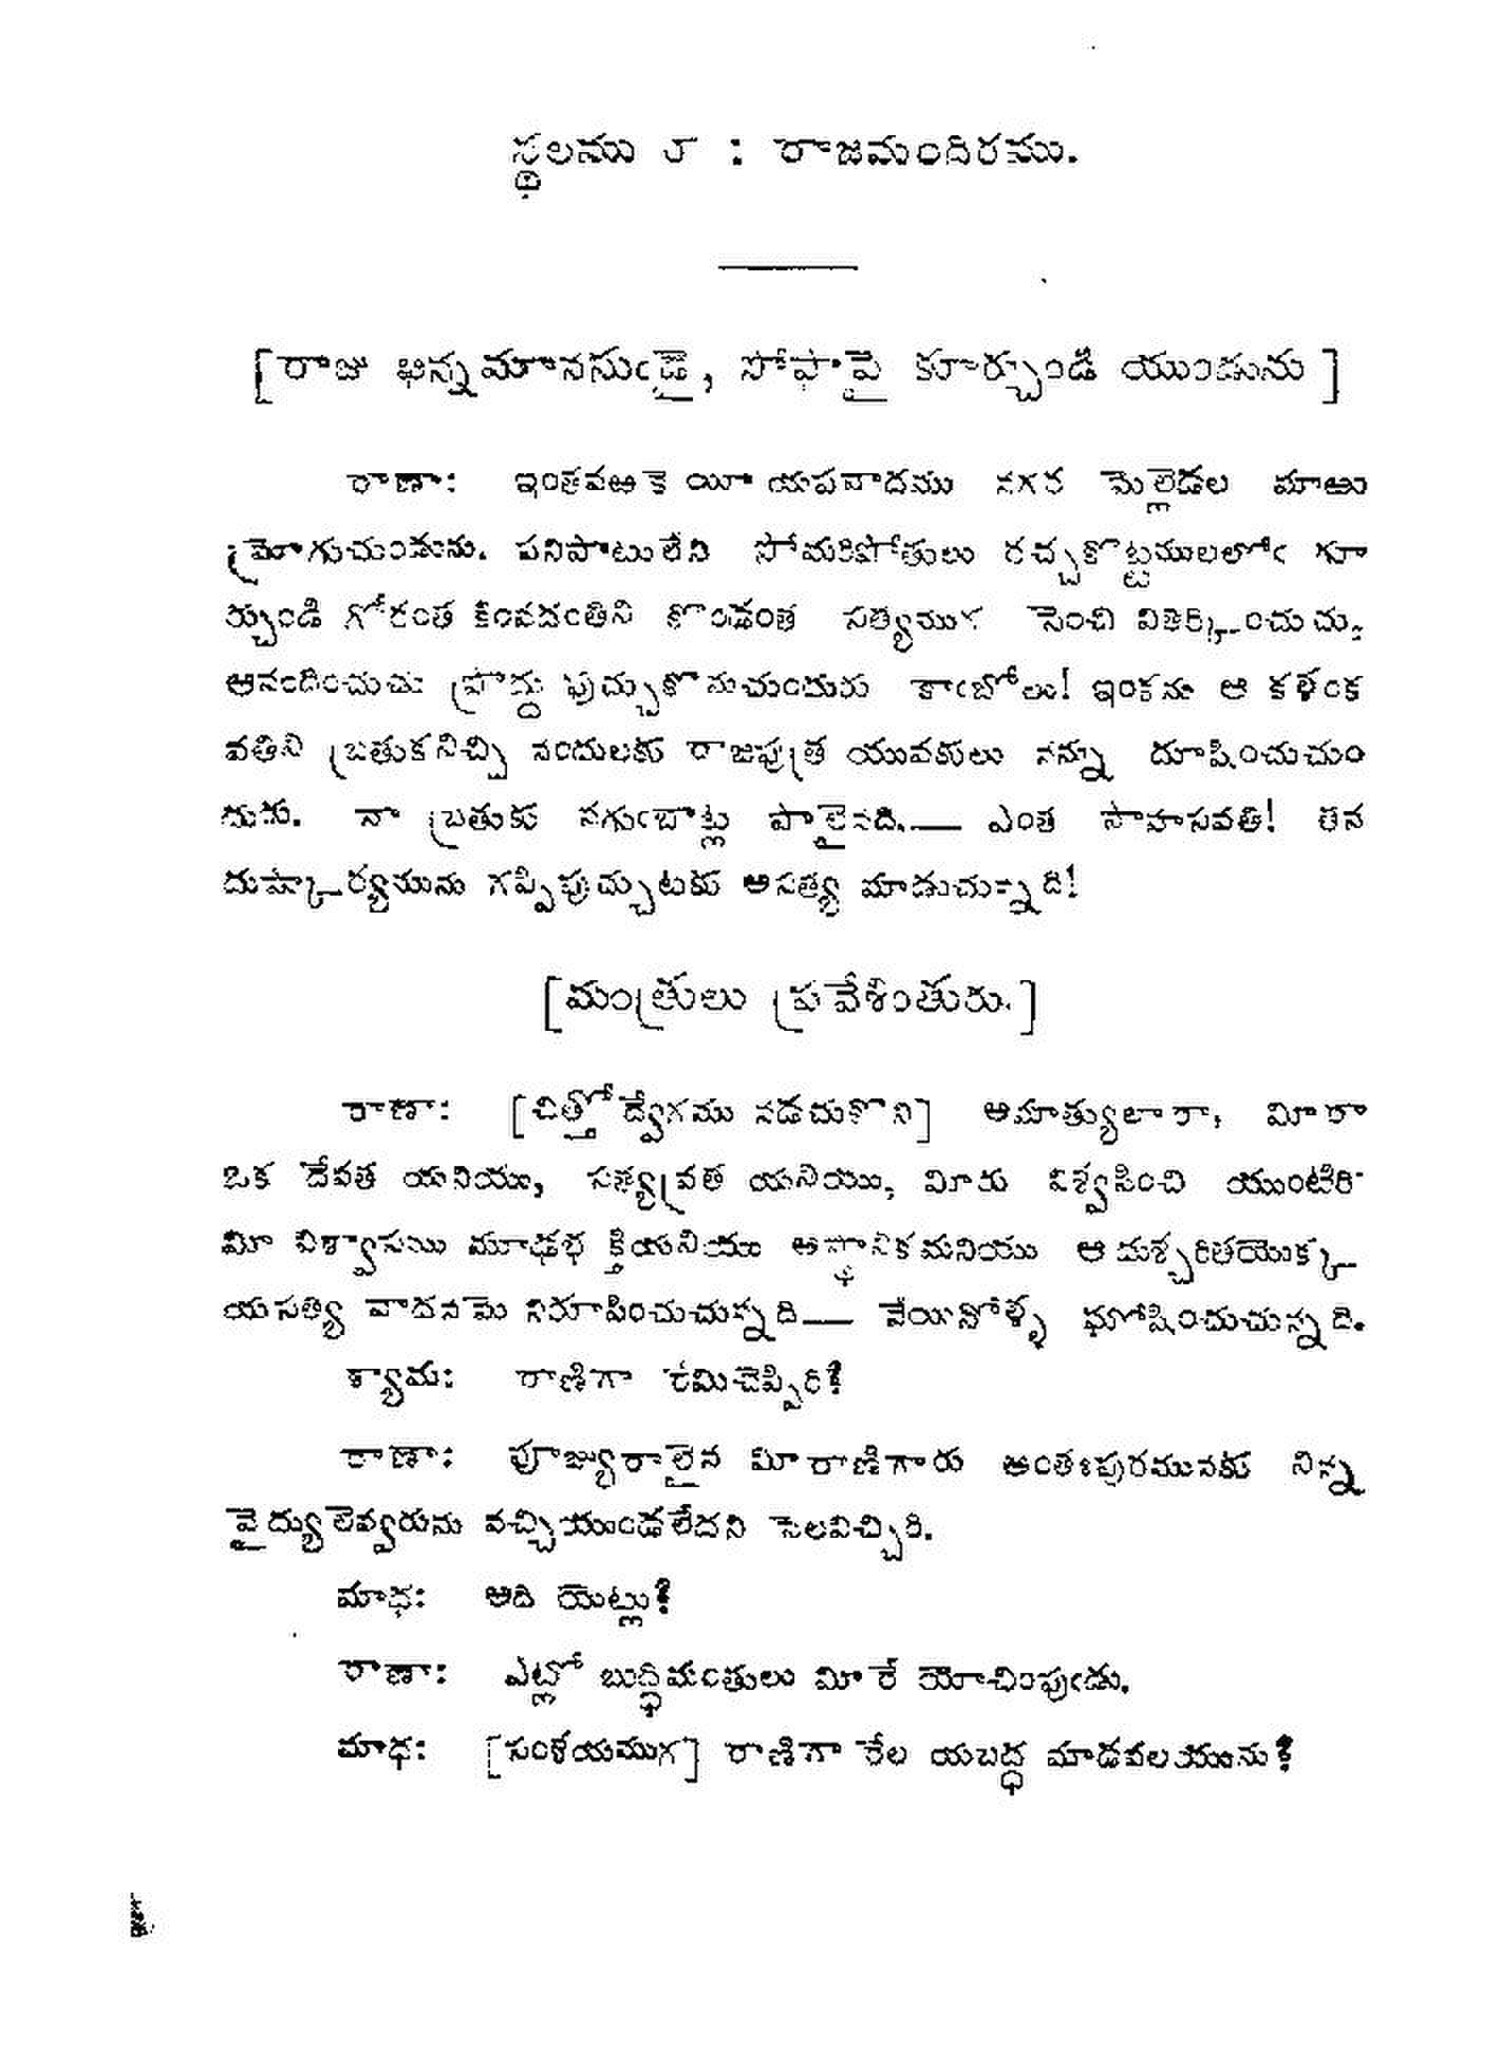రాణా : ఇంతవఱకె యీ యపవాదము నగర మెల్లెడల మాఱు మ్రోగుచుండును. పనిపాటులేని సోమరిపోతులు రచ్చకొట్టములలోఁ గూర్చుండి గోరంత కింవదంతిని కొండంత సత్యముగ పెంచి వితర్కించుచు, ఆనందించుచు ప్రొద్దు ప్రుచ్చుకొనుచుందురు కాఁబోలు ! ఇంకను ఆ కళంక వతిని బ్రతుకనిచ్చి నందులకు రాజపుత్ర యువకులు నన్ను దూషించుచుందురు. నా బ్రతుకు నగుఁబాట్ల పాలైనది. - ఎంత సాహసవతి ! తన దుష్కార్యమును గప్పిపుచ్చుటకు అసత్య మాడుచున్నది!

రాణా : [చిత్తోద్వేగము నడచుకొని] అమాత్యులారా, మీరా ఒక దేవత యనియు, సత్యవ్రత యనియు, మీరు విశ్వసించి యుంటిరి. మీ విశ్వాసము మూఢభక్తియనియు అస్థానికమనియు ఆ దుశ్చరితయొక్క యసత్య వాదనమె నిరూపించుచున్నది - వేయినోళ్ళ ఘోషించుచున్నది.

శ్యామ : రాణిగా రేమిచెప్పిరి?

రాణా : పూజ్యురాలైన మీరాణిగారు అంత:పురమునకు నిన్న వైద్యులెవ్వరును వచ్చియుండలేదని సెలవిచ్చిరి.

మాధ : అది యెట్లు ?

రాణా : ఎట్లో బుద్ధిమంతులు మీరే యోచింపుఁడు.

మాధ : [సంశయముగ] రాణిగా రేల యబద్ధ మాడవలయును ?